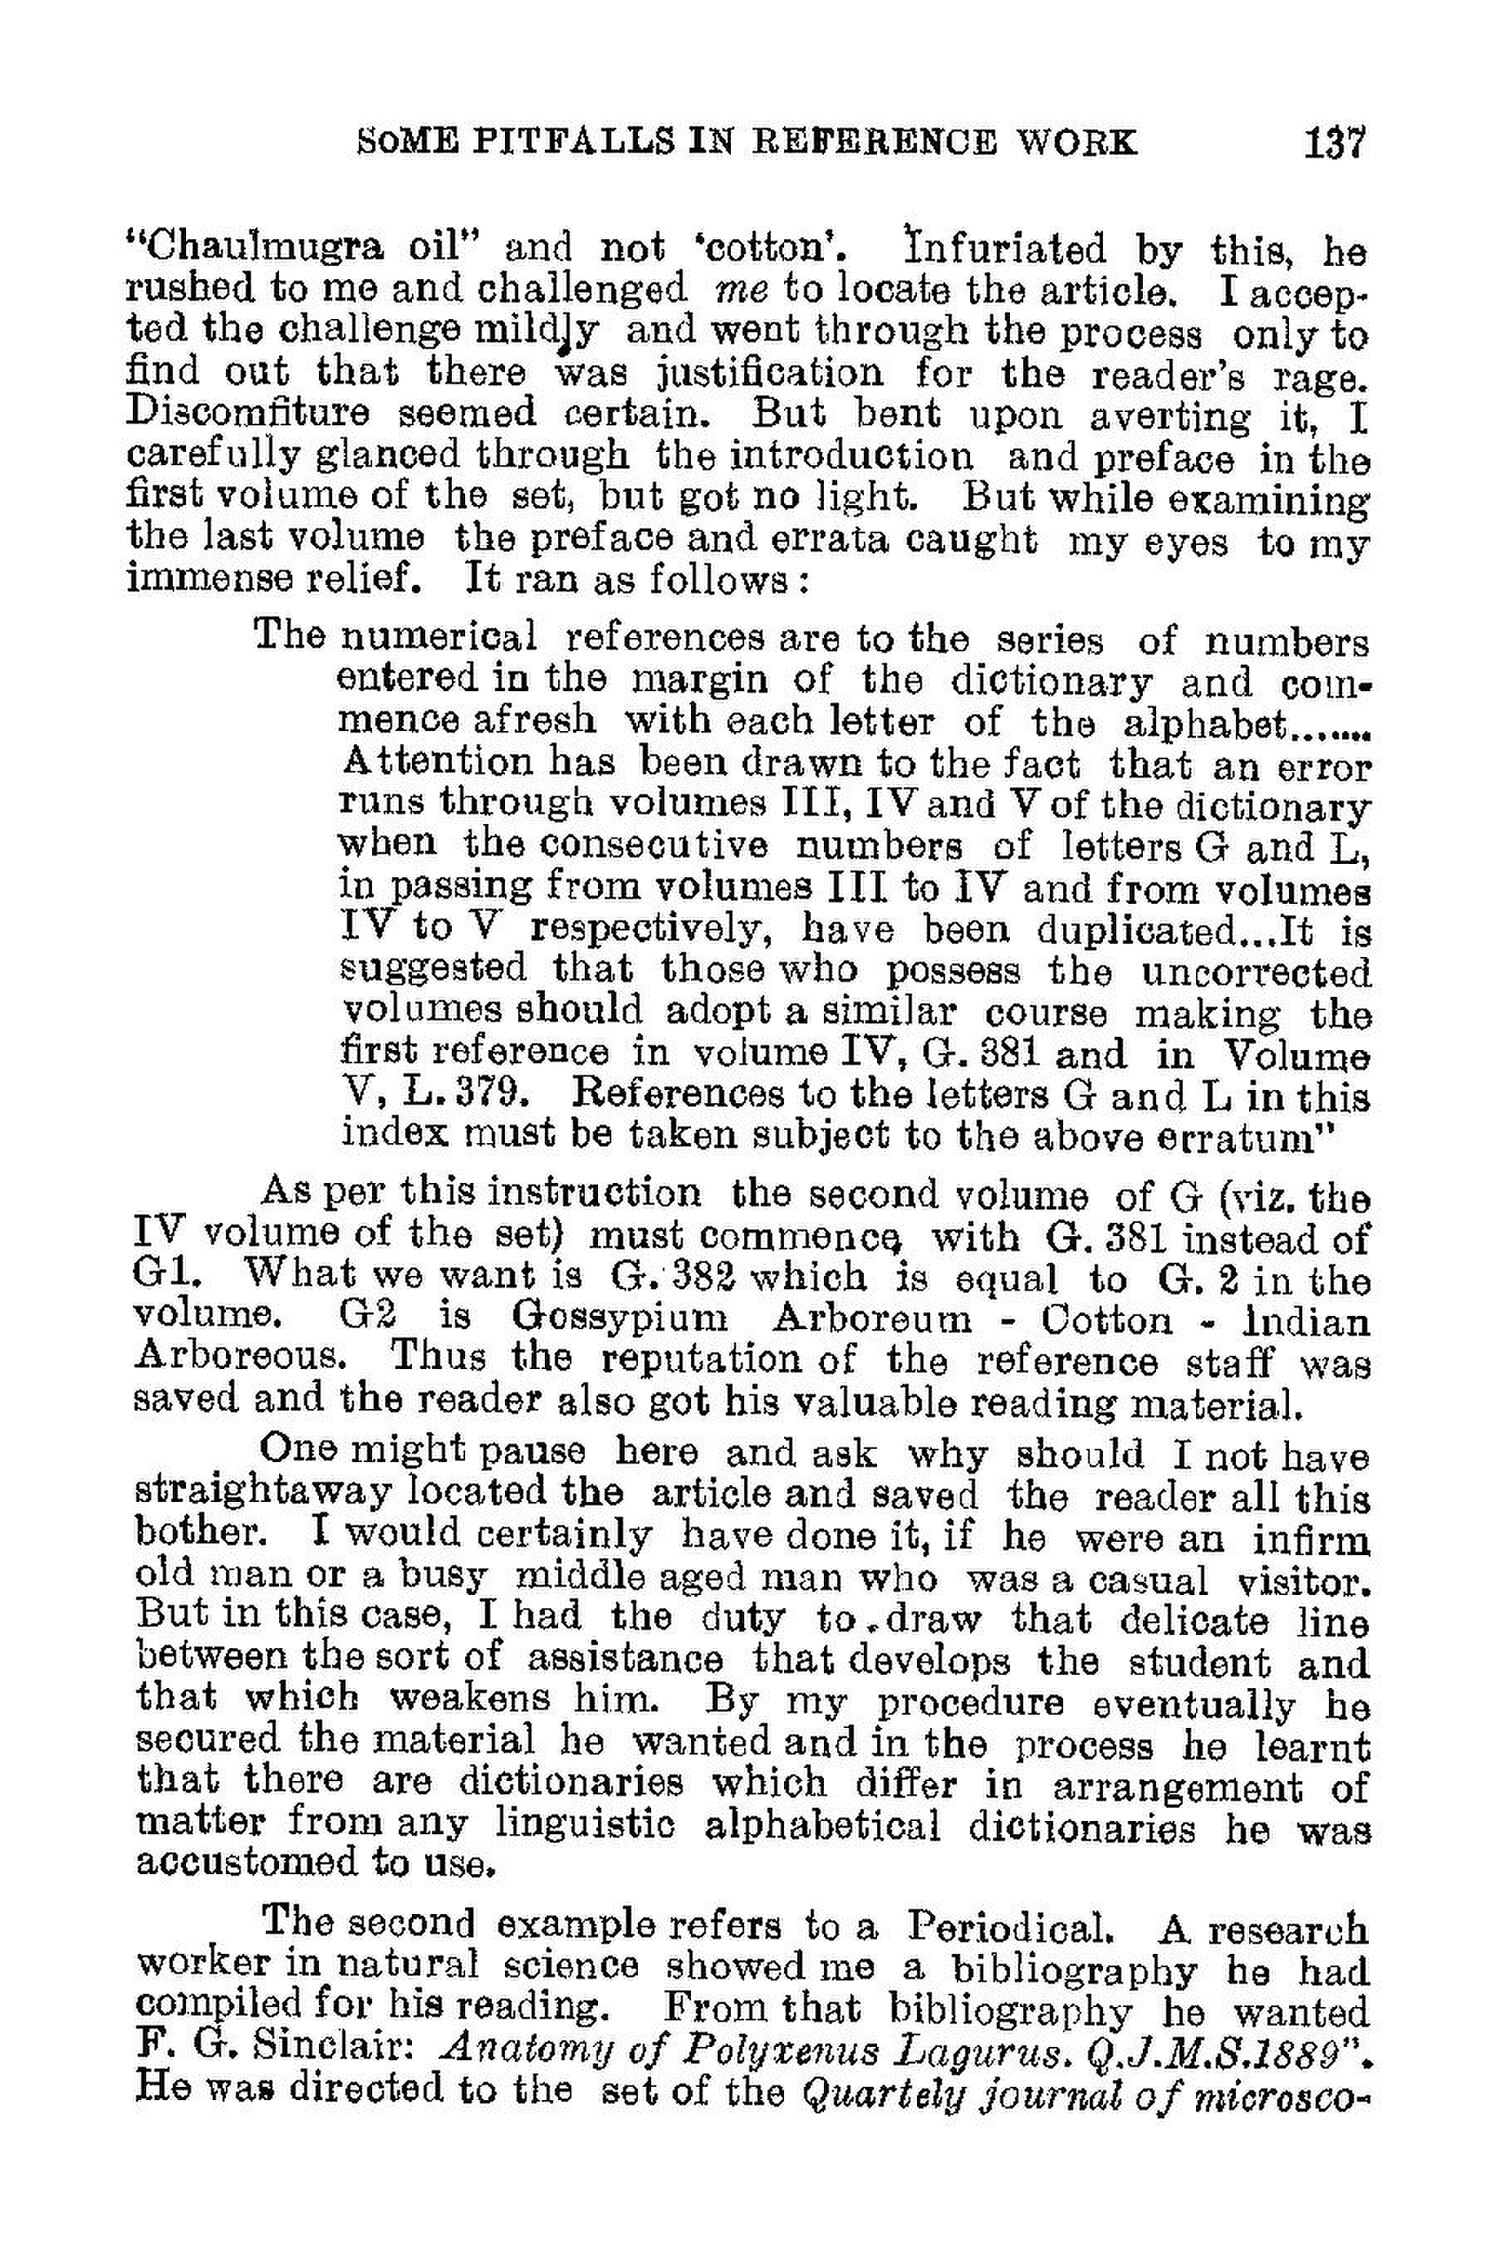"Chaulmugra oil" and not "cotton'. Infuriated by this, he rushed to me and challenged me to locate the 
article. I accepted the challenge mildly and went through the process only to find out that there was 
justification for the reader's rage. Discomfiture seemed certain. But bent upon averting it, I carefully 
glanced through the introduction and preface in the first volume of the set, but got no light. But while 
examining the last volume the preface and errata caught my eyes to my immense relief. It ran as follows:

The numerical references are to the series of numbers entered in the margin of the dictionary and commence afresh with each letter of the alphabet...Attention has been drawn to the fact that an error runs through volumes III, IV and V of the dictionary when the consecutive numbers of letters G and L, in passing from volumes III to IV and from volumes V to V respectively, have been duplicated...It is suggested that those who possess the uncorrected volumes should adopt a similar course making the first reference in volume IV, G. 381 and in Volume V, L. 379. References to the letters G and L in this index must be taken subject to the above erratum"

As per this instruction the second volume of G (viz. the IV volume of the set) must commence 
with G. 381 instead of G1. What we want is G. 382 which is equal to G. 2 in the volume. G2 is 
Gossypium Arboretum - Cotton indian Arboreous. Thus the reputation of the reference staff was
saved and the reader also got his valuable reading material.

One might pause here and ask why should I not have straightaway located the article and saved the 
reader all this bother. I would certainly have done it, if he were an infirm old man or a busy middle 
aged man who was a casual visitor. But in this case, I had the duty to draw that delicate line
between the sort of assistance that develops the student and that which weakens him. By my procedure 
eventually he secured the material he wanted and in the process he learnt that there are dictionaries 
which differ in arrangement of matter from any linguistic alphabetical dictionaries he was accustomed 
to use.

The second example refers to a Periodical. A. research worker in natural science showed me a bibliography 
he had compiled for his reading. From that bibliography he wanted F. G. Sinclair: Anatomy of Polyenes 
Laurus. Q.J.M.S.1889". He was directed to the set of the Quarterly journal of microsco-